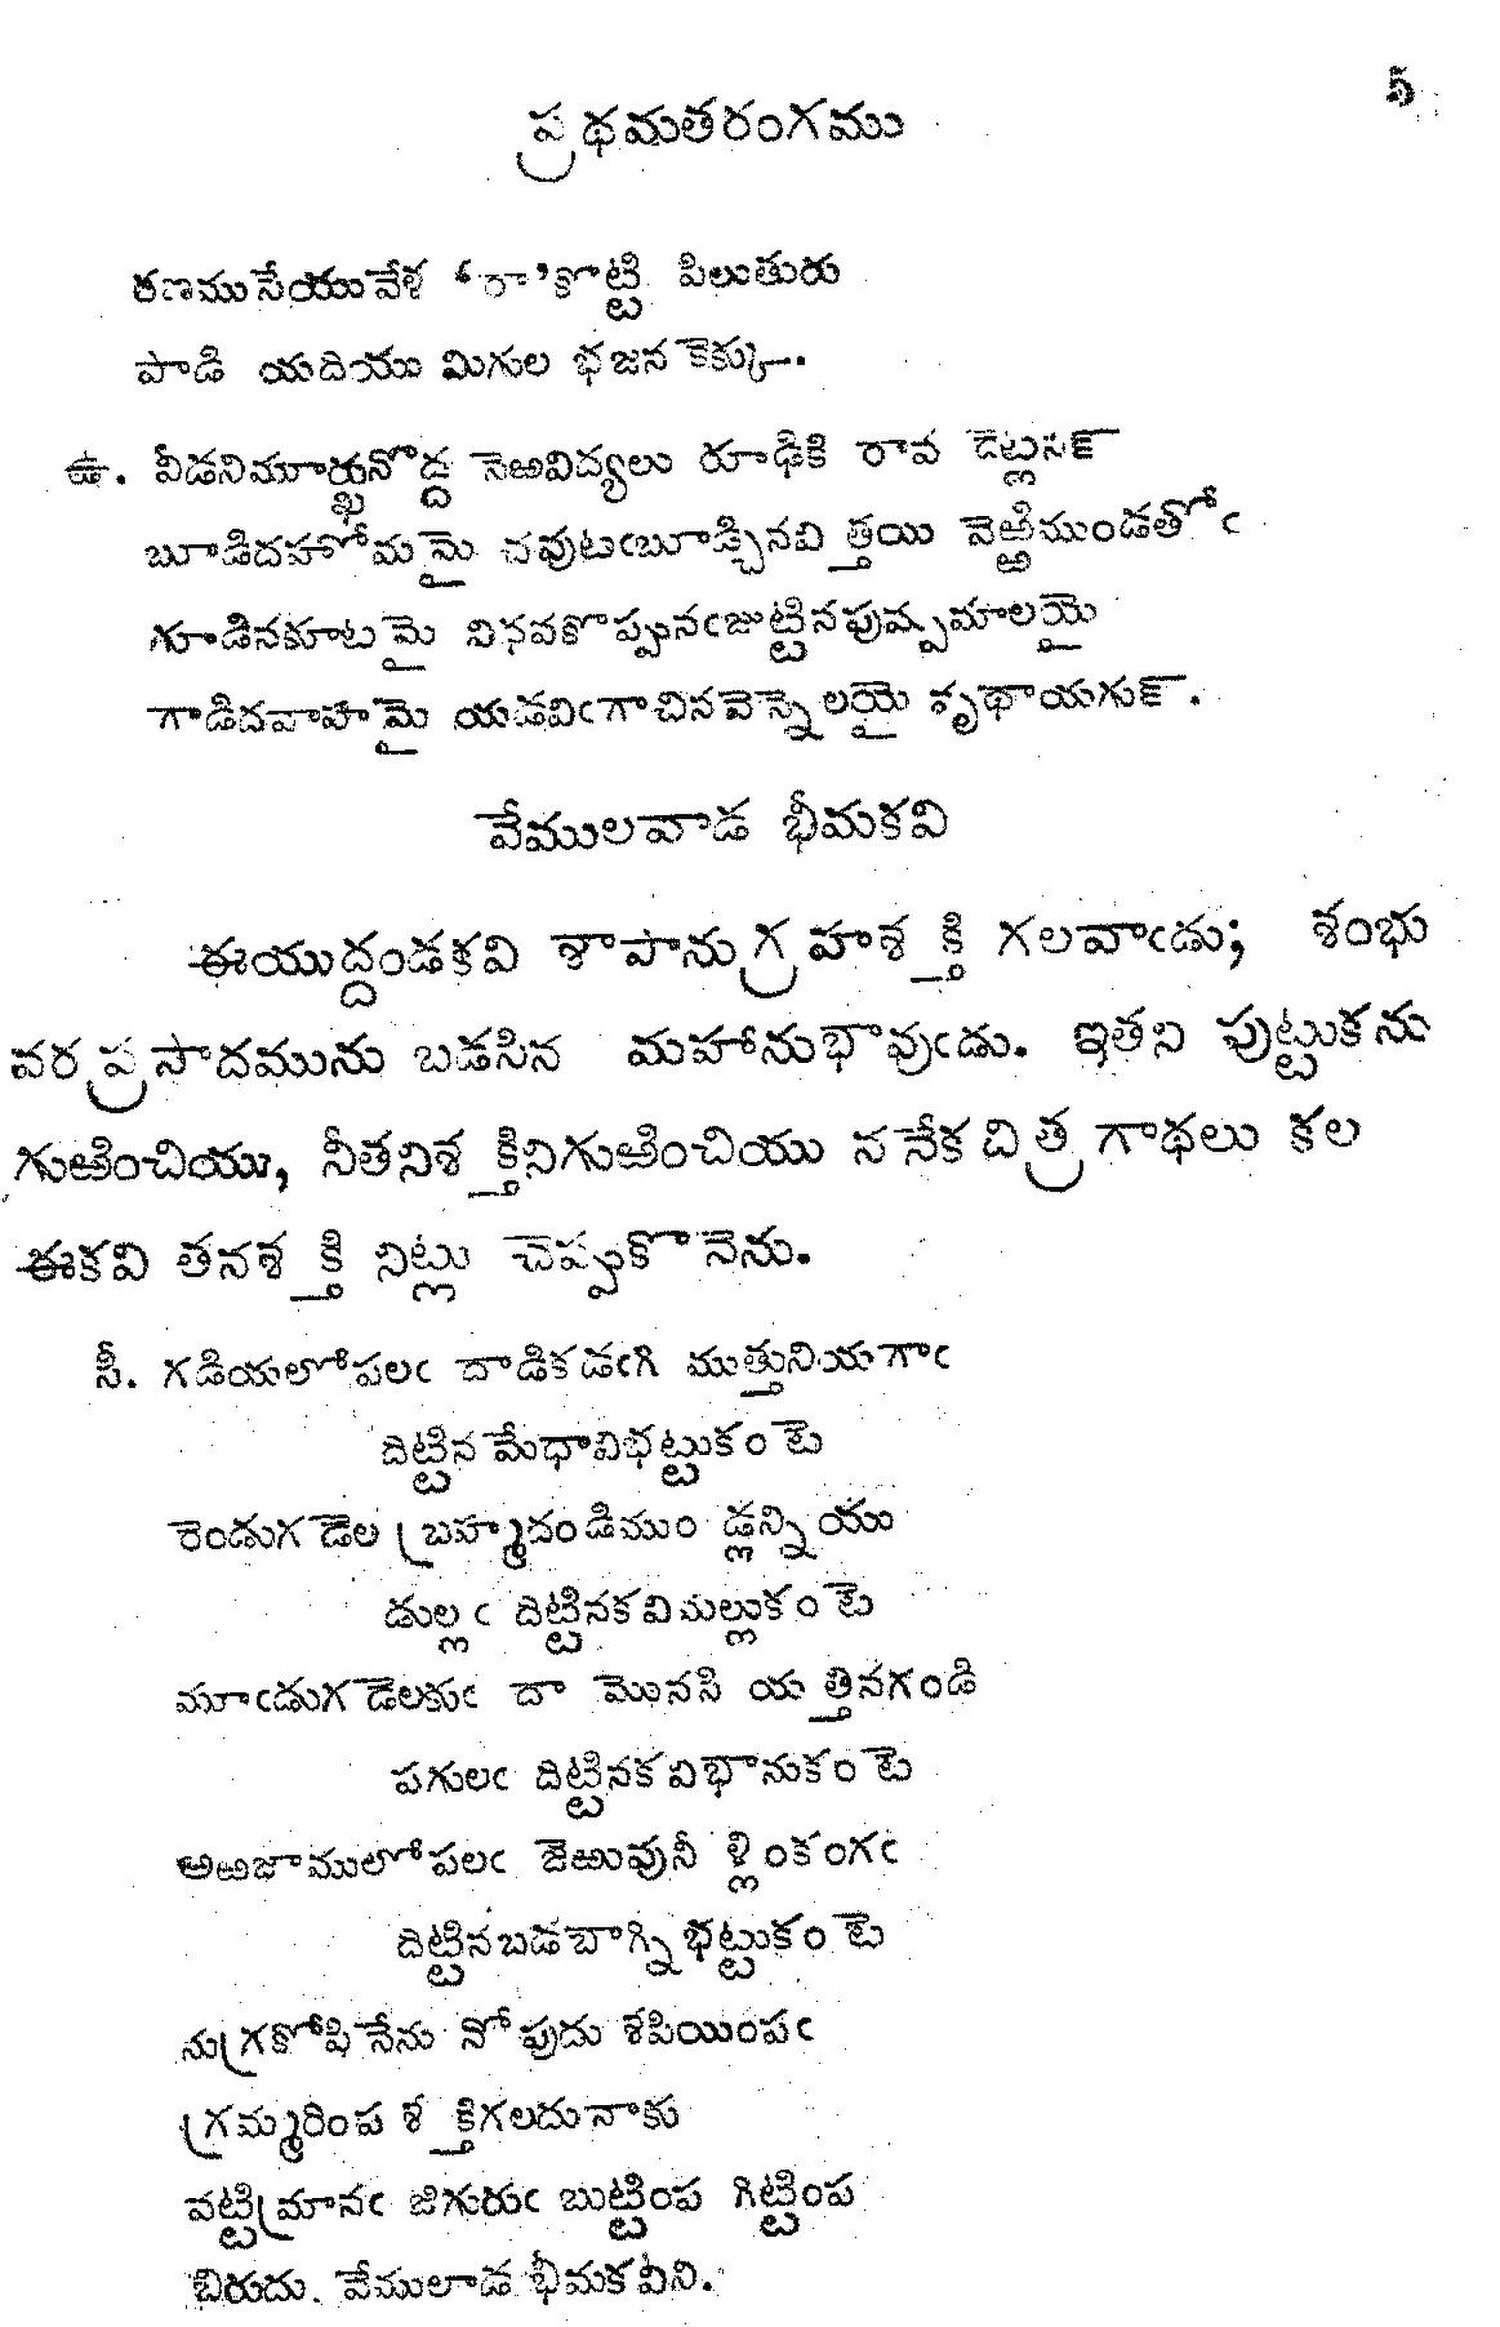రణము సేయువేళ ‘రా’ కొట్టి పిలుతురు
 పాడి యదియు మిగుల భజన కెక్కు.

ఉ. వీడని మూర్ఖునొద్ద నెఱవిద్యలు రూఢికి రావ దెట్లనన్
 బూడిదహోమమై చవుటఁబూడ్చినవిత్తయి వెఱ్ఱిముండతోఁ
 గూడినకూటమై విధవకొప్పునఁజుట్టినపుష్పమాలయై
 గాడిదవాహమై యడవిఁగాచినవెన్నెలయై వృథాయగున్.

ఈయుద్దండకవి శాపానుగ్రహశక్తి గలవాఁడు; శంభువరప్రసాదమును బడసిన మహానుభావుఁడు. ఇతని పుట్టుకను గుఱించియు, నీతనిశక్తినిగుఱించియు ననేకచిత్రగాథలు కలవు. ఈకవి తనశక్తి నిట్లు చెప్పుకొనెను.

సీ. గడియలోపలఁ దాడి కడఁగి ముత్తునియగాఁ
 దిట్టిన మేధావిభట్టుకంటె
 రెండుగడెల బ్రహ్మదండిముండ్లన్నియు
 డుల్లఁ దిట్టిన కవిమల్లుకంటె
 మూఁడుగడెలకుఁ దా మొనసి యత్తినగండి
 పగులఁ దిట్టిన కవిభానుకంటె
 అఱజాములోపలఁ జెఱువునీ ళ్ళింకంగఁ
 దిట్టిన బడబాగ్నిభట్టుకంటె
 ఉగ్రకోపి నేను నోపుదు శపియింపఁ
 గ్రమ్మఱింప శక్తి కలదు నాకు
 వట్టిమ్రానఁ జిగురు పుట్టింప గిట్టింప
 బిరుదు లేములాడ భీమకవిని